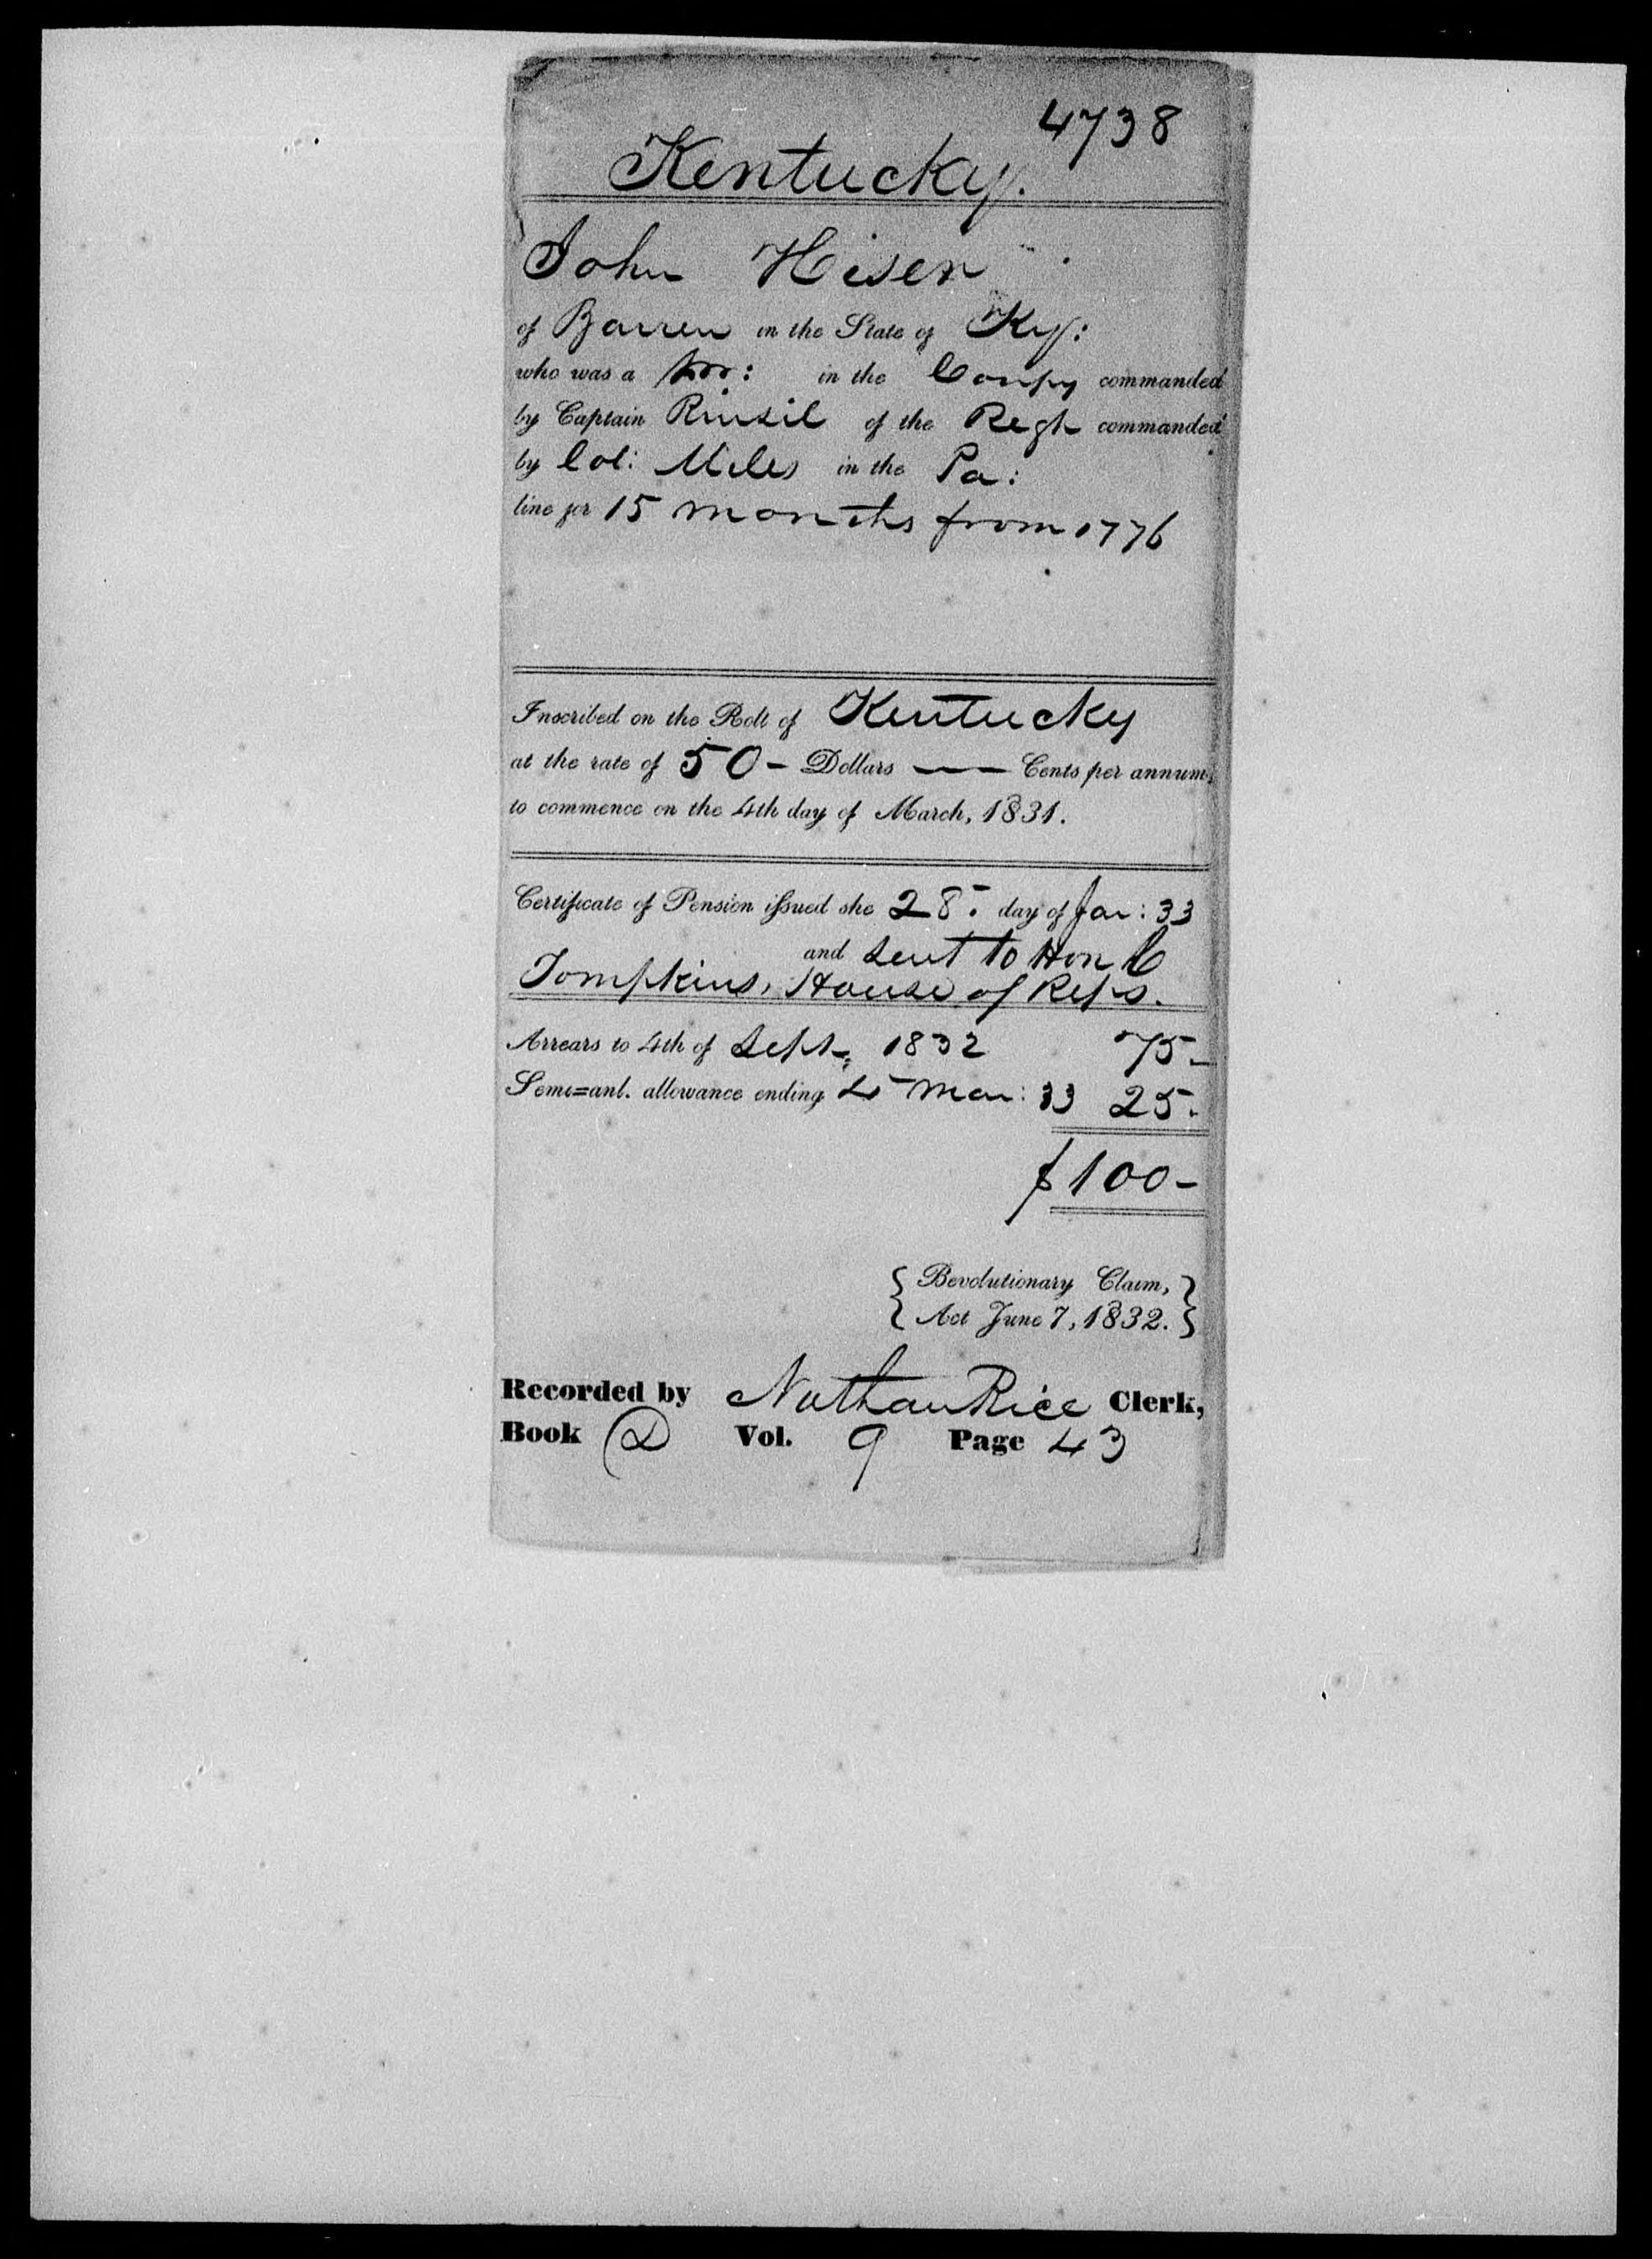4738

Kentucky
===================
John Hiser
of Barren in the State of KY:
who was a pbvt: in the Compy. commanded 
by Captain Rinsil of the Regt. commanded
by Col: Miles in the Pa:
line for 15 months from 1776
================================
Inscribed on the Roll of Kentucky
at the rate of 50-Dollars----Cents per annum
to commence on the 4th day of March, 1831.
=================================
Certificate of Pension issued the 28. day of Jan.:33 and sent to Hon C. Tompkins, House of Reps.
==================================
Arrears to 4th of Sept-1832     75--
Semi-anl. allowance ending 4 Mar: 33  25--
==================================
$100-
=====
{Revolutionary Claim, Act June 7, 1832}

Recorded by Nathan Rice Clerk,
Book D.  Vol. 9.  Page 43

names: Miles, Nathan Rice, Rinsil, John Hiser, C Tompkins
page: 2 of 58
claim: widow's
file: W. 8932, John Hiser, Penn.